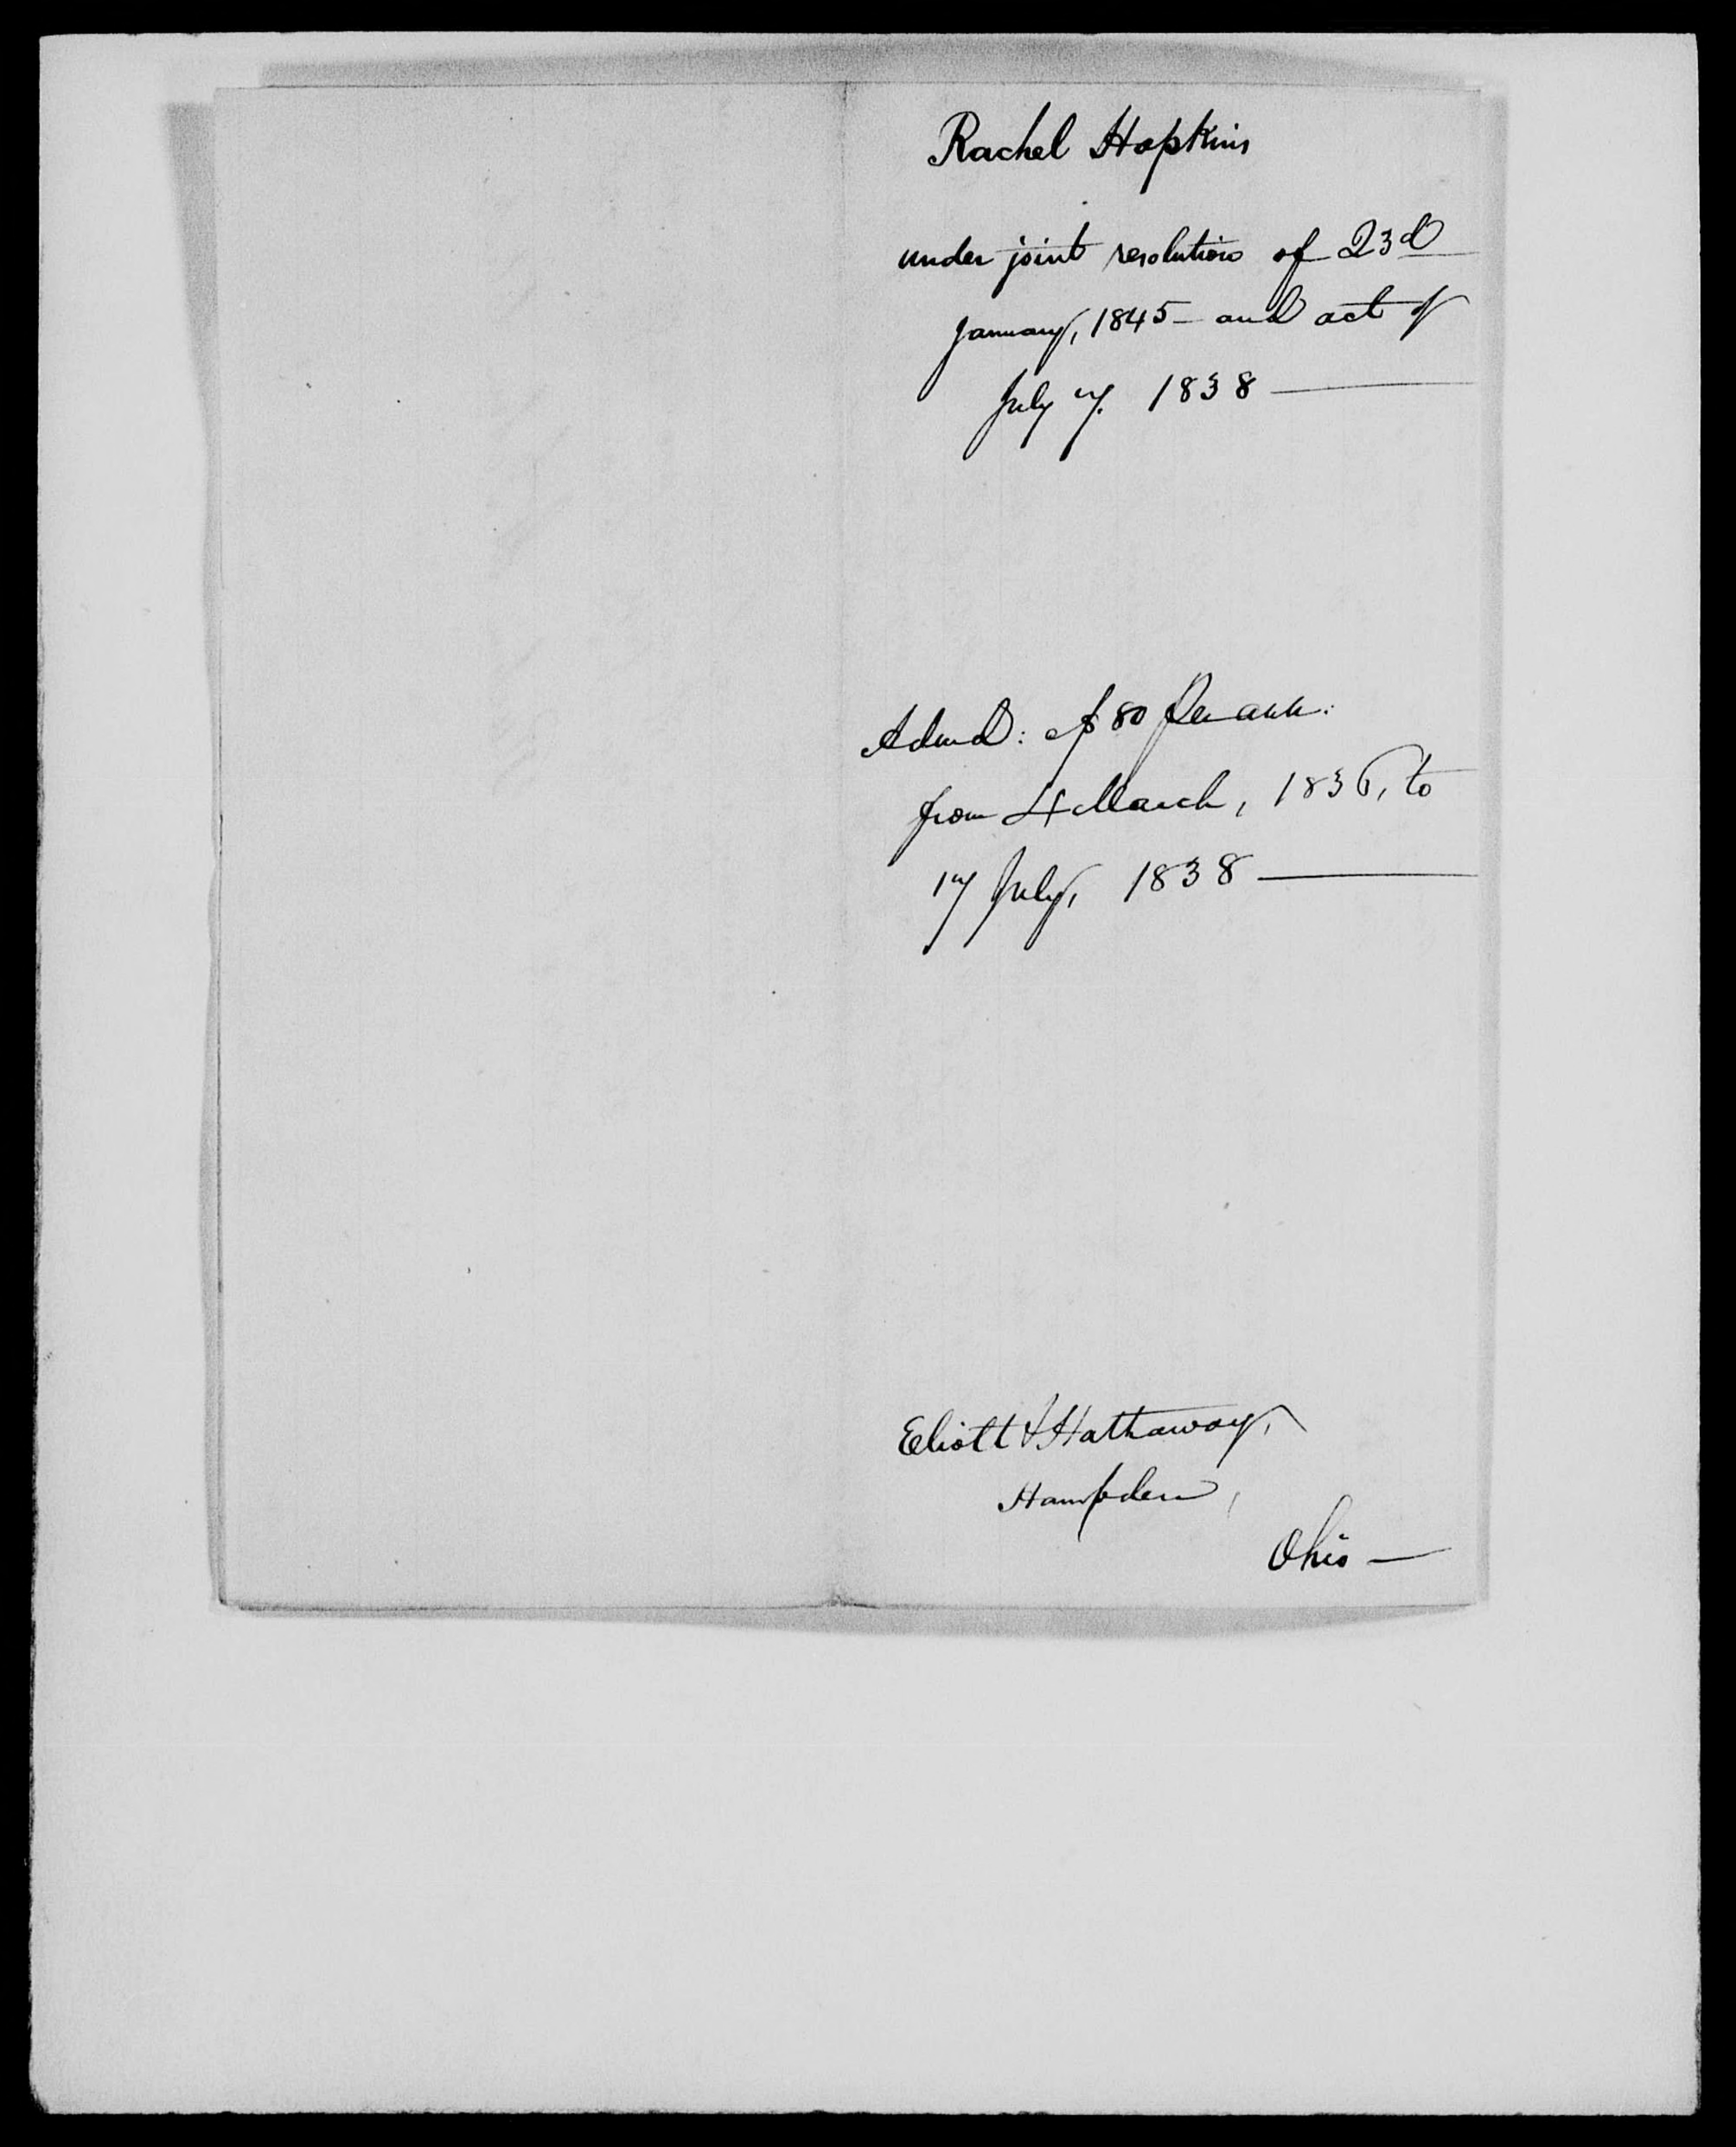Rachel Hopkins

under joint resolution of 23rd January, 1845 and act of July 7, 1838
AdwD: $80 Per akk
from 4 March, 1836, to 17 July, 1838

Elliott & Hathaway, 
Hampden, 
Ohio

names: Eliott, Hathaway, Rachel Hopkins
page: 131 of 144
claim: rejected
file: R. 5208, Dennis Hopkins, N.C.